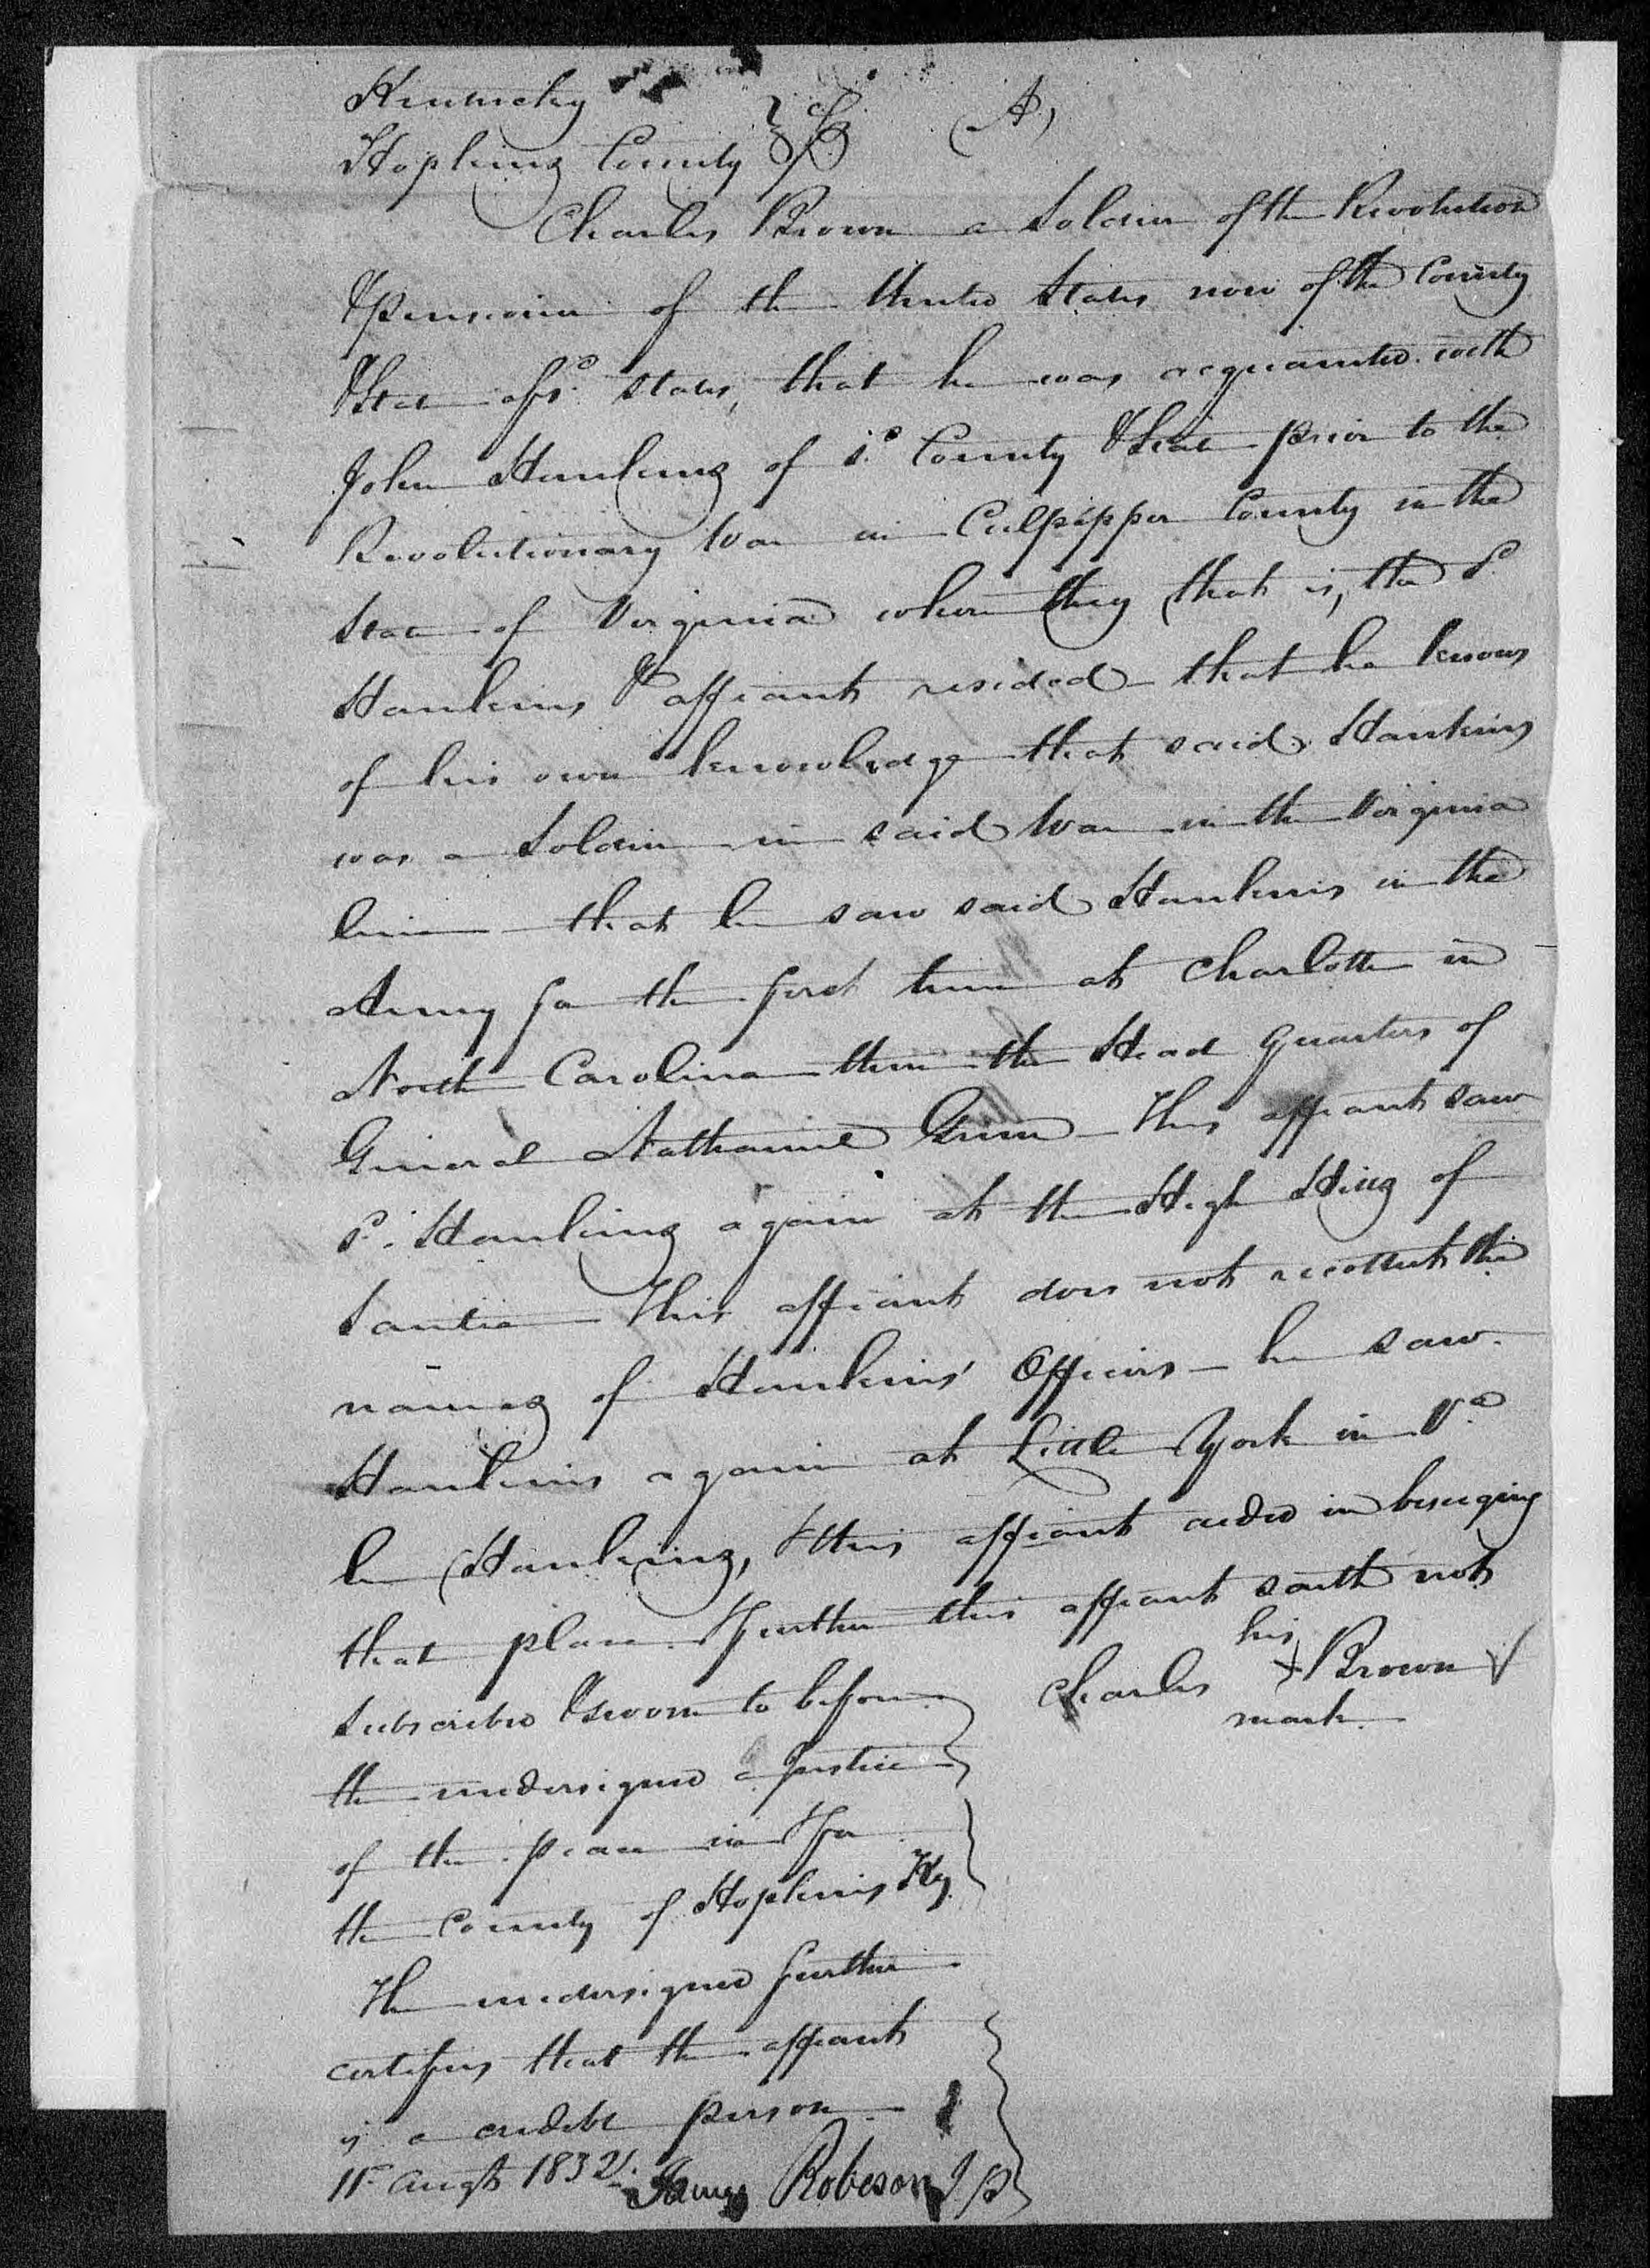Kentucky
Hopkins County SS (A)

Charles Brown a Soldier of the Revolution & pensioner of the United States now of the County & State afs. [aforesaid] states, that he was acquainted with John Hankins of s.d (said) County & states prior to the Revolutionary War in Culpepper County in the State of Virginia where that (that is then) J. Hankins & affiant resided that he knows of his own knowledge that said Hankins was a Soldier in the said War in the Virginia line

that he saw said Hankins in the Army for the first time at Charlotte in North Carolina then the Head quarters of General Nathanael Greene

This affiant saw J Hankins again at the High
Hills of Santee. This affiant does not recollect the names of Hankins Officers - he saw Hankins again at Little York in Va. He (Hankins & this affiant aided in besieging that place & further this affiant saith not
Charles Brown [his mark]X

Subscribed & sworn to before the undersigned Justice of the peace in the County of Hopkins Ky. The undersigned further certifies that the affiant is a credible person.
11th Augst 1832. 
James Robeson JP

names: Charles Brown, Hankins, Hankins, Hankins, Nathaniel Green, James Robeson, Hankins, Hankins, Hankins, Hankins, Charles Brown, John Hankins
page: 16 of 19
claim: survivor's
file: S. 16404, John Hankins, Va.